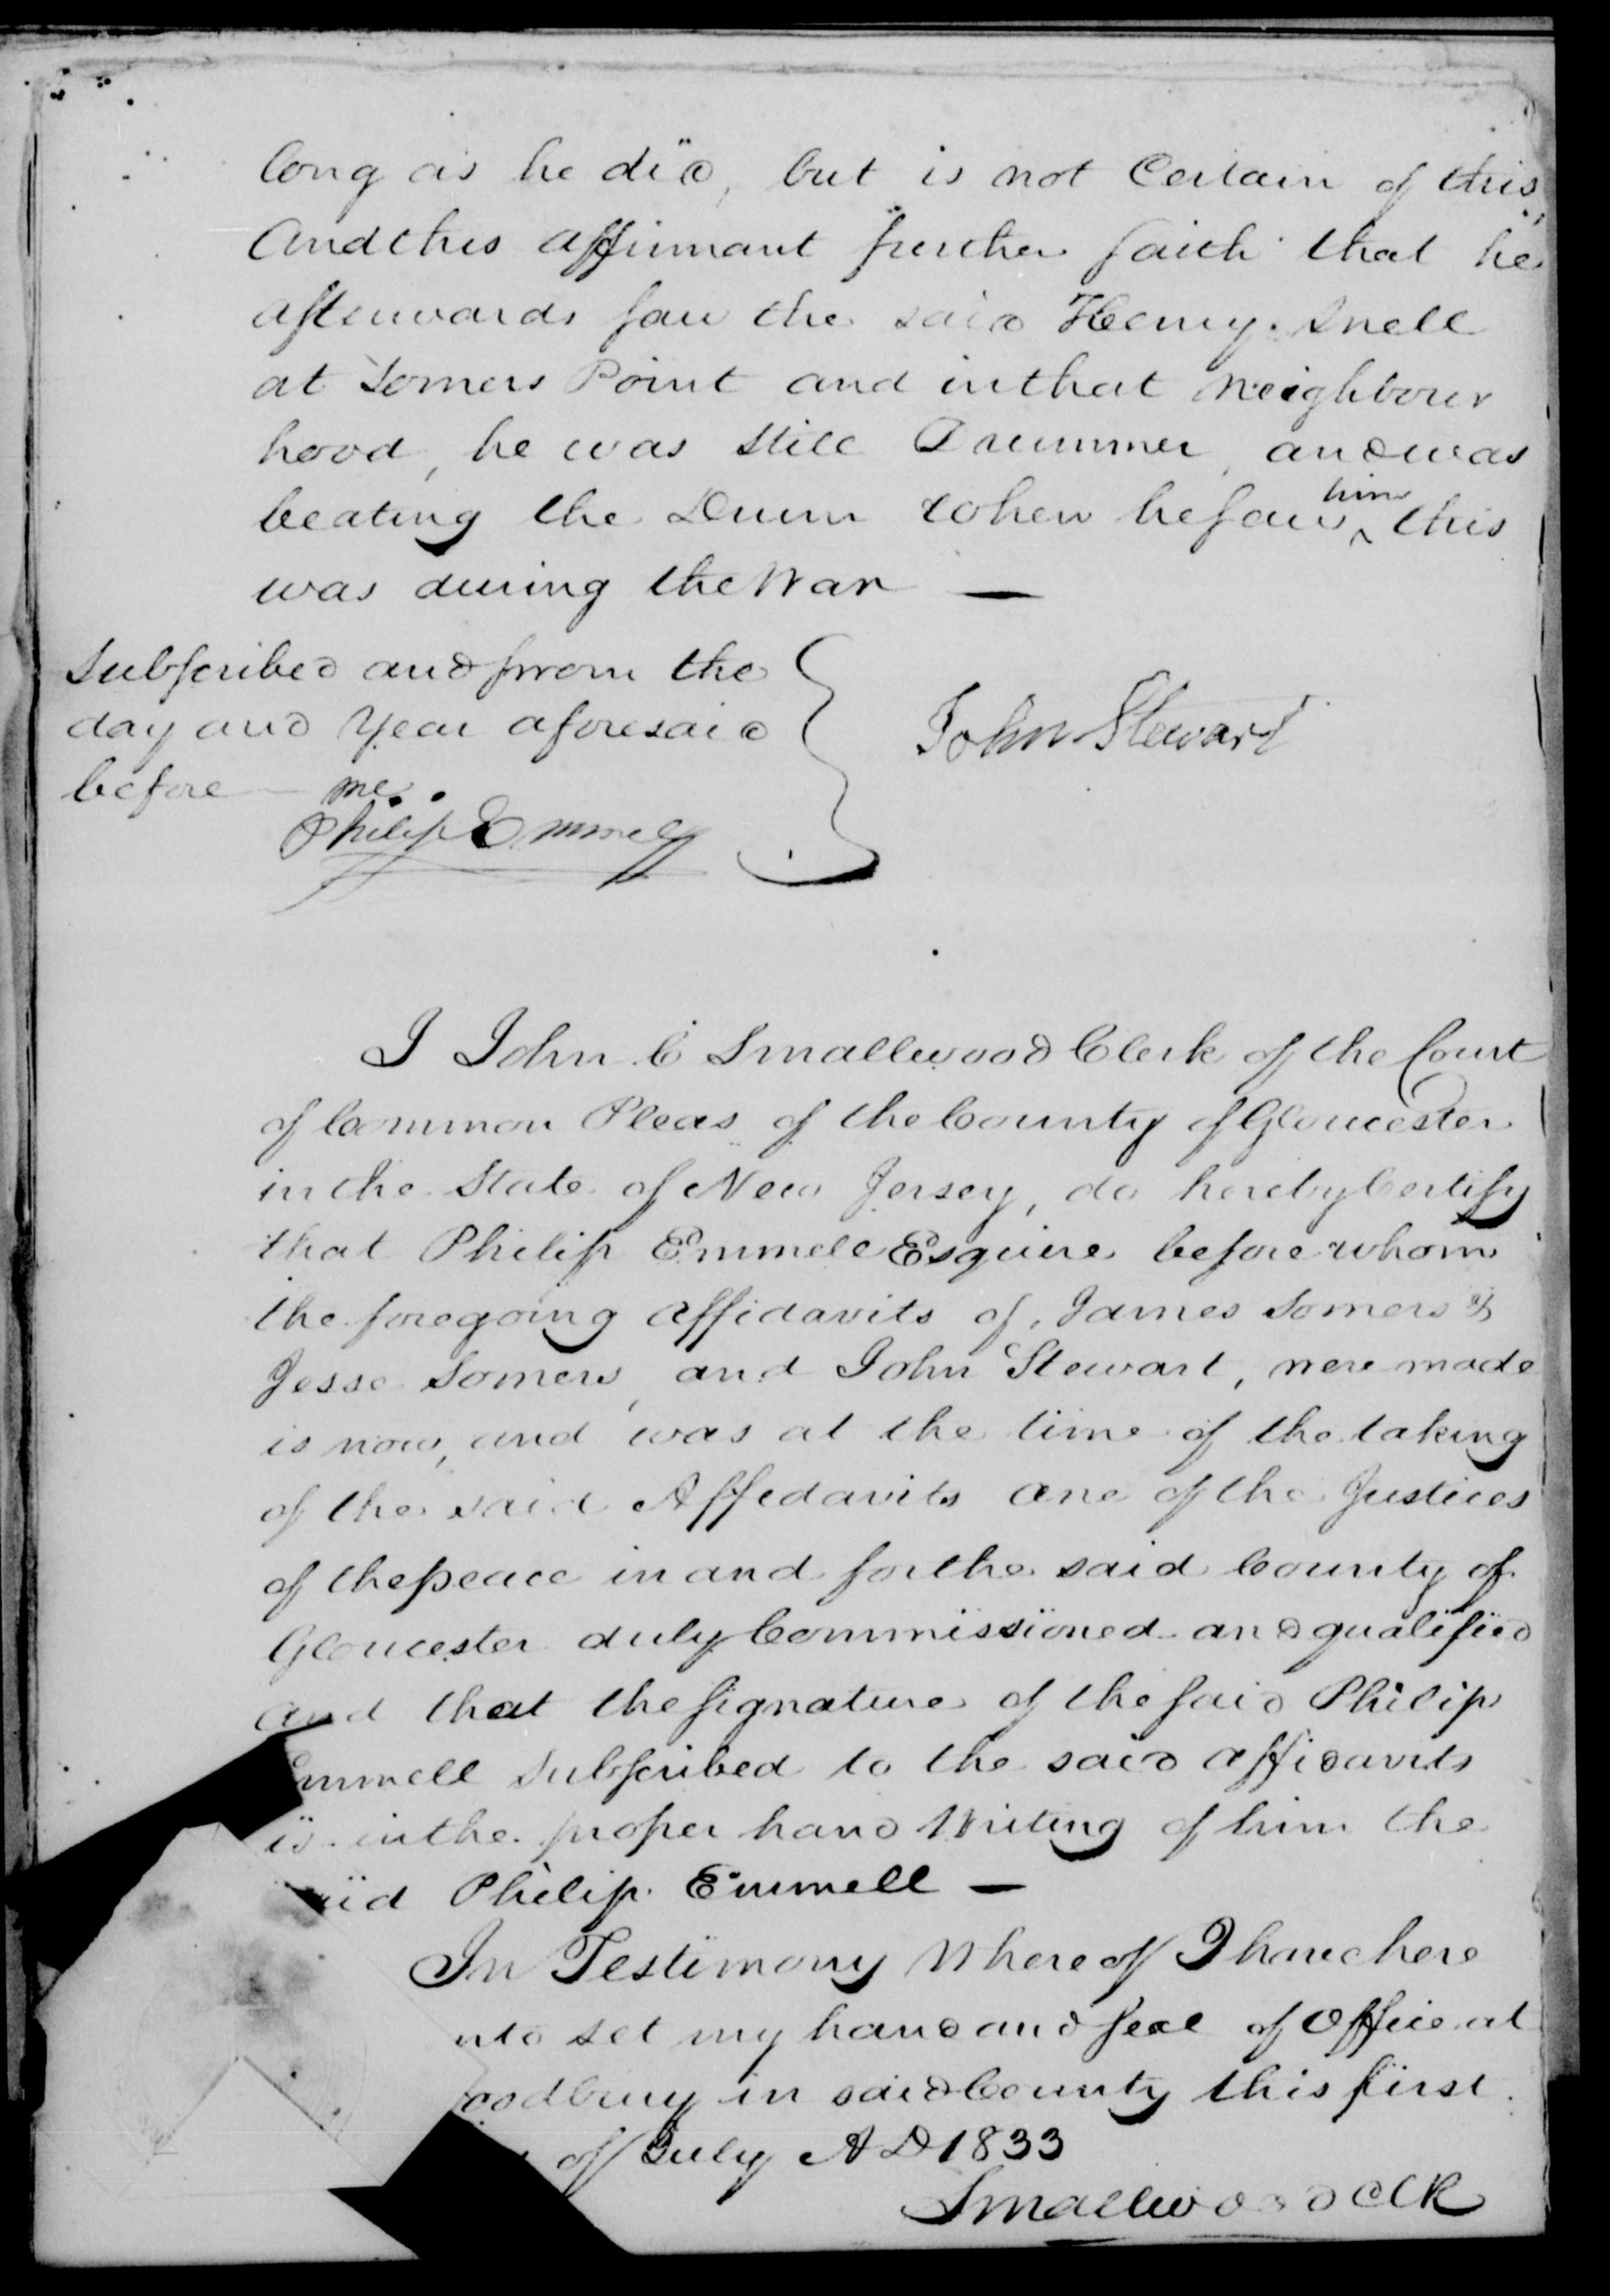long as he did, but is not certain of this.  And this affirmant further saith that he afterwards saw the said Henry Snell at Somers Point and in the neighborhood, he was still Drummer, and was beating the Drum when before him,  this was the during the war.

Subscribed and sworn the day and year aforesaid before me
Philip Emmell

John Stewart

I John C Smallwood Clerk of the Court  of Common Pleas of the County of Gloucester in the State of New Jersey, do hereby certify that Philip Emmell Esquire before whom the foregoing affidavits of James Somers & Jesse Somers and John Stewart, were made is now, and was at the time of the taking of the said Affidavits one of the Justices of the peace in and for the said County of Gloucester duly commissioned and qualified and that the signature of the said Philip Emmell subscribed to the said affidavits is in the proper hand writing of him the said Philip Emmell- 

In Testimony whereof I have here to set my hand and seal of Office at Woodbury in said County this first of July AD 1833
Smallwood clk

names: Henry Snell; [BLANK] Smallwood; Jesse Somers; John Stewart; Philip Emmell; Philip Emmell; Philip Emmell; James Somers; John C Smallwood; John Stewart; Philip Emmel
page: 17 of 27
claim: rejected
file: R. 9,892, for Henry Snell, New Jersey